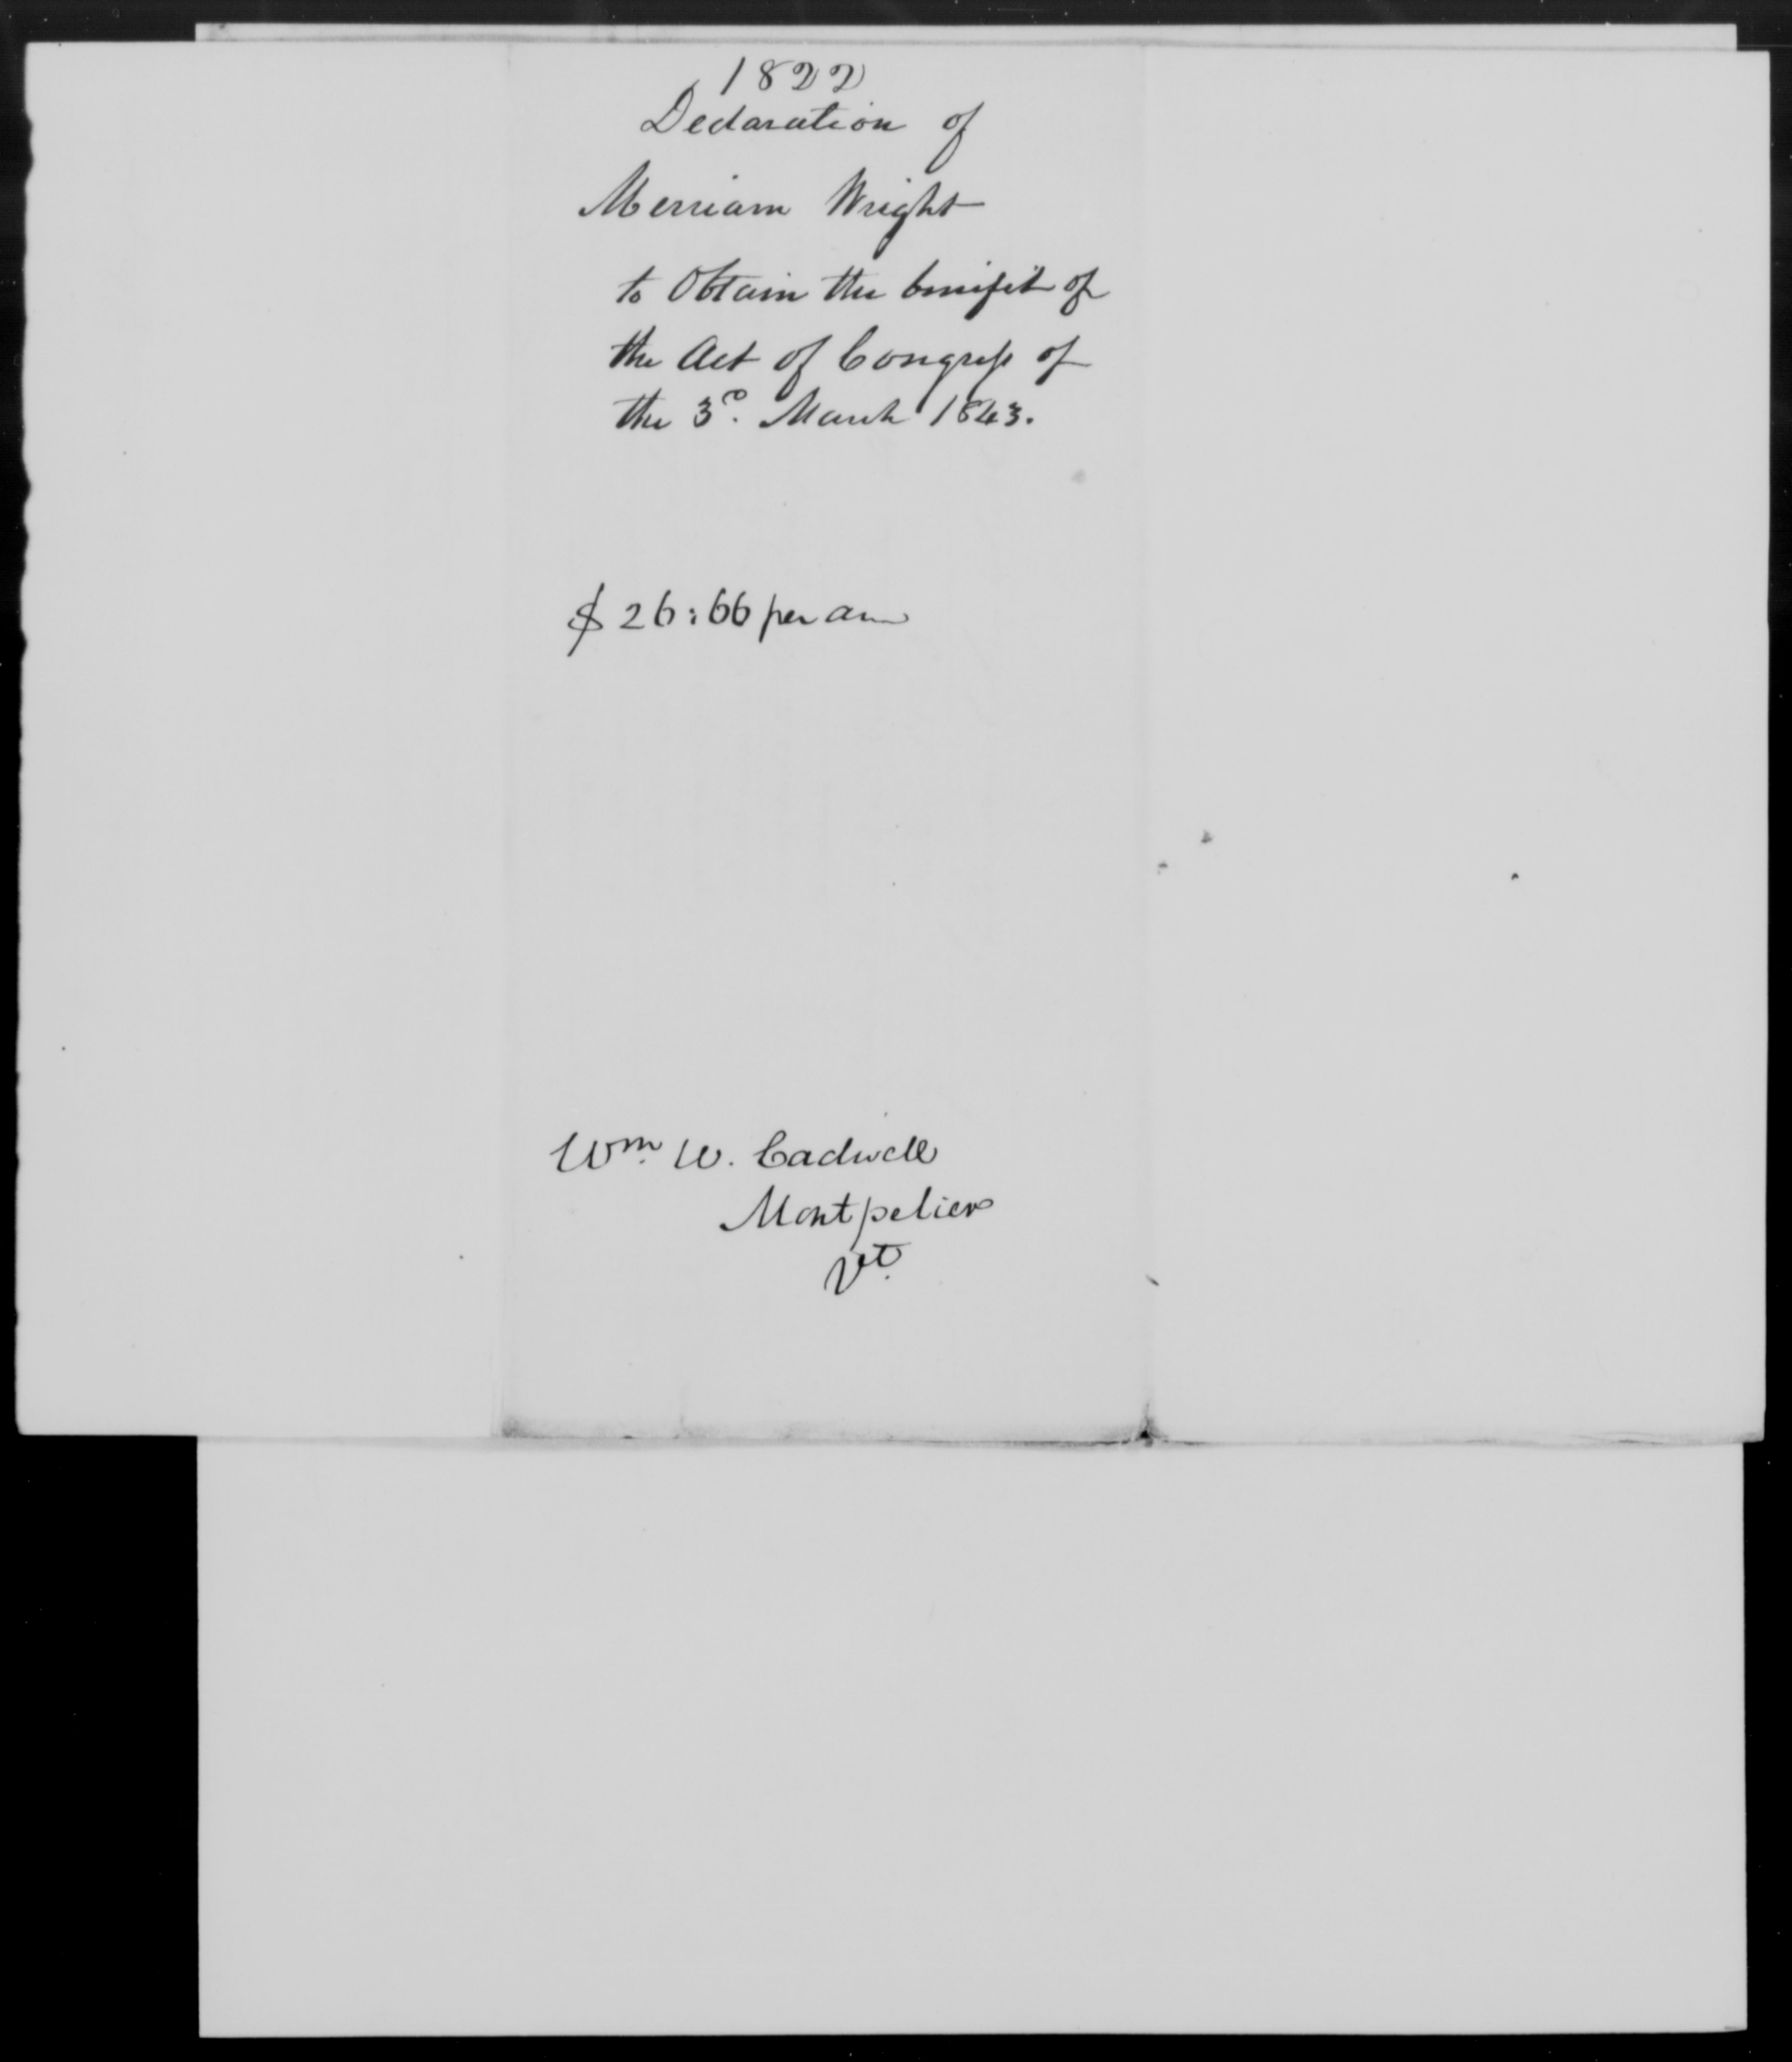1822
Declaration of
Merriam Wright
to obtain the benefit of
the Act of Congress of
the 3d March 1843.
$26.66 per an
Wm W. Cadwell
Montpelier
Vt.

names: Wm W Cadwell, Merriam Wright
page: 22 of 26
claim: widow's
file: W. 26,137, Elijah Wright, N.H.